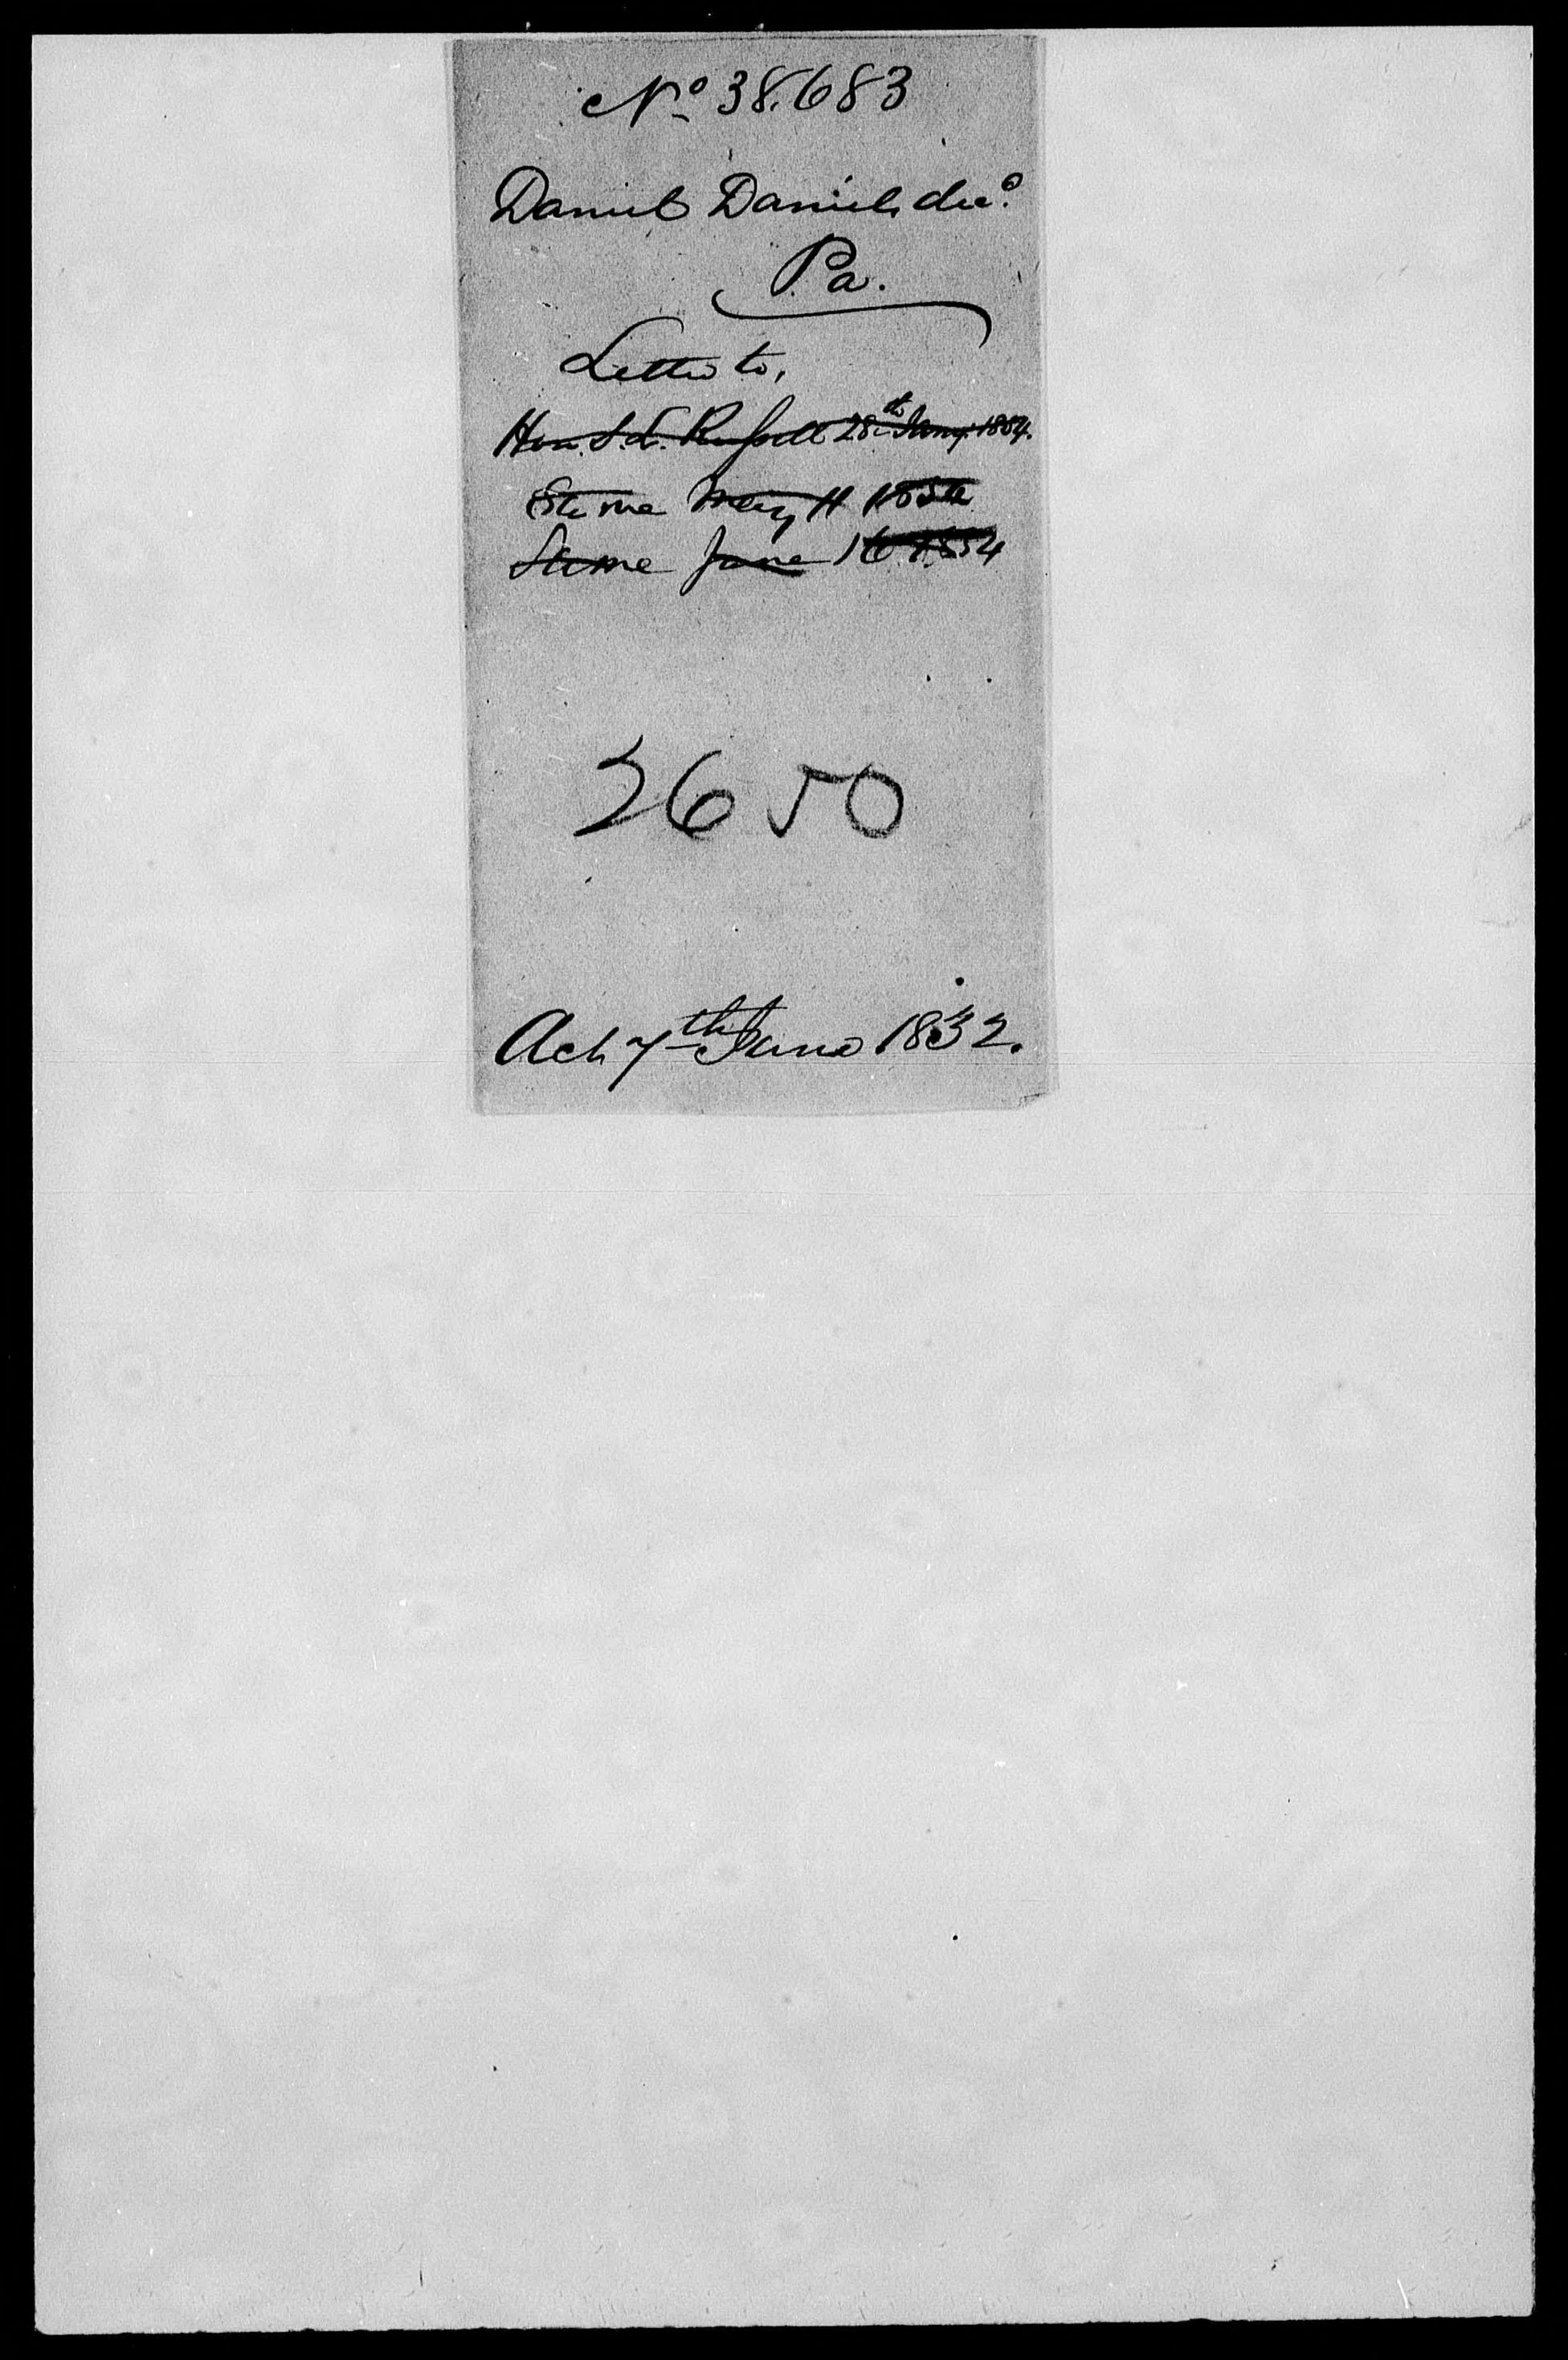No 38,683
Daniel Daniels Decd
Pa.
Letter to,
[crossed out]Hon. S. L. Russell 28th Jany 1854
[crossed out]Same May 11 1854
[crossed out]Same June 16 1854
2650
Act 7th June 1832.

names: S L Russell, Daniel Daniels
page: 14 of 35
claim: rejected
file: R. 2,650, Daniel Daniels, Penn.